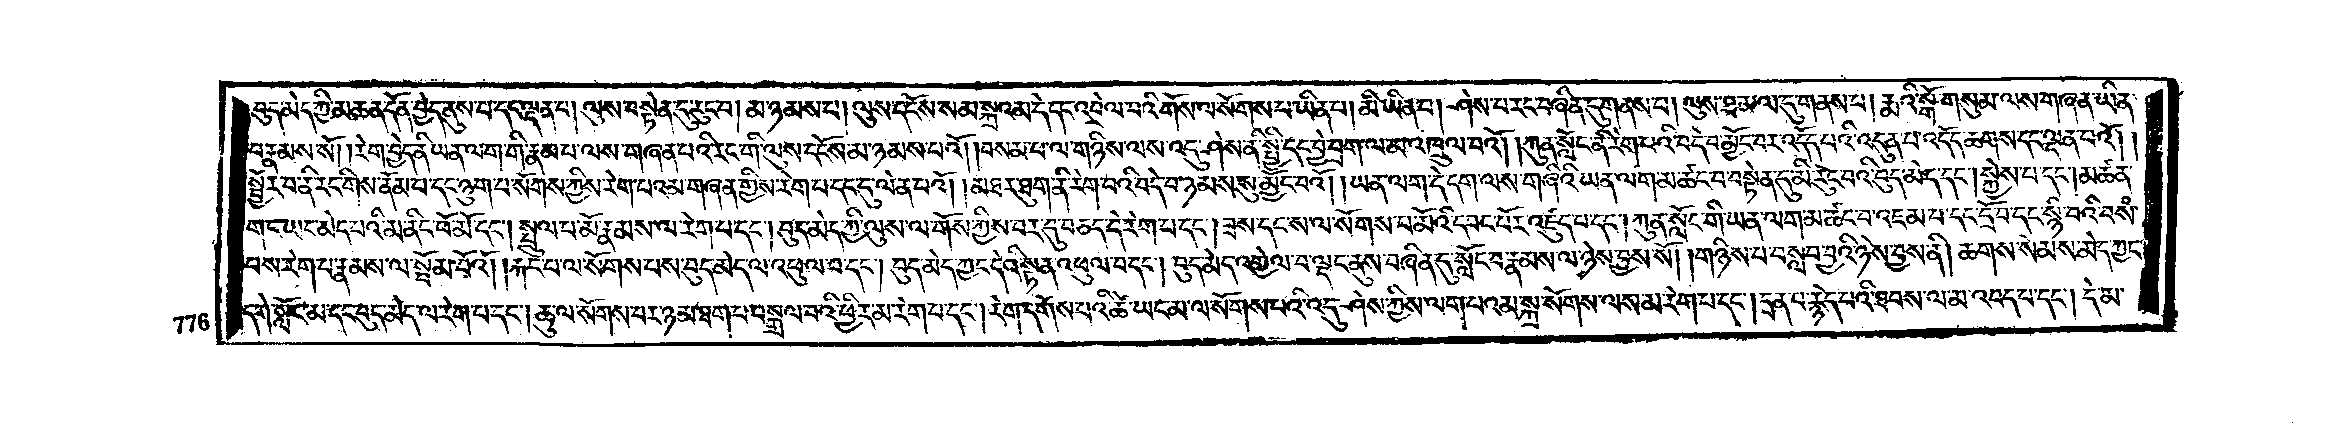བུད་མེད་ཀྱི་མཆན་དོན་བྱེད་ནུས་པ་དང་ལྡན་པ། ལུས་བསྟེན་དུ་རུང་བ། མ་ཉམས་པ། ལུས་དངོས་སམ་སྐྲའམ་དེ་དང་འབྲེལ་བའི་གོས་ལ་སོགས་པ་ཡིན་པ། མི་ཡིན་པ། ཤེས་པ་རང་བཞིན་དུ་གནས་པ། ལུས་ཐ་མ་ལ་དུ་གནས་པ། རྨའི་སྒོ་གསུམ་ལས་གཞན་ཡིན་
པ་རྣམས་སོ། །རེག་བྱེད་ནི་ཡན་ལག་གི་རྣམ་པ་ལས་གཞན་པའི་རང་གི་ལུས་དངོས་མ་ཉམས་པའོ། །བསམ་པ་ལ་གཉིས་ལས་འདུ་ཤེས་ནི་སྤྱི་དང་བྱེ་བྲག་ལ་མ་འཁྲུལ་བའོ། །ཀུན་སློང་ནི་རེག་པའི་བདེ་བ་མྱོང་བར་འདོད་པའི་འདུན་པ་འདོད་ཆགས་དང་ལྡན་པའོ། །
སྦྱོར་བ་ནི་རང་གིས་ནོམ་པ་དང་ཉུག་པ་སོགས་ཀྱིས་རེག་པའམ་གཞན་གྱིས་རེག་པ་དང་དུ་ལེན་པའོ། །མཐར་ཐུག་ནི་རེག་པའི་བདེ་བ་ཉམས་སུ་མྱོང་བའོ། །ཡན་ལག་དེ་དག་ལས་གཞིའི་ཡན་ལག་མ་ཚང་བ་བསྟེན་དུ་མི་རུང་བའི་བུད་མེད་དང་། སྐྱེས་པ་དང་། མཚན་
གང་ཡང་མེད་པའི་མ་ནིང་ཕོ་མོ་དང་། སྤྲུལ་པ་མོ་རྣམས་ལ་རེག་པ་དང་། བུད་མེད་ཀྱི་ལུས་ལ་གོས་ཀྱིས་བར་དུ་བཅད་དེ་རེག་པ་དང་། ཟས་དང་ས་ལ་སོགས་པ་མོའི་དབང་པོར་འཛུད་པ་དང་། ཀུན་སློང་གི་ཡན་ལག་མ་ཚང་བ་འཇམ་པ་དང་དྲོ་བ་དང་སྙི་བའི་བསཾ་
པས་རེག་པ་རྣམས་ལ་སྦོམ་པོའོ། །རྐང་པ་ལ་སོགས་པས་བུད་མེད་ལ་འཕུལ་བ་དང་། བུད་མེད་ཀྱང་དེའི་སྟན་འཕུལ་བ་དང་། བུད་མེད་འགྱེལ་བ་ལྡང་ནུས་བཞིན་དུ་སློང་བ་རྣམས་ལ་ཉེས་བྱས་སོ། །གཉིས་པ་བསླབ་བྱའི་ཉེས་བྱས་ནི། ཆགས་སེམས་མེད་ཀྱང་
དགེ་སློང་མ་དང་བུད་མེད་ལ་རེག་པ་དང་། ཆུ་ལ་སོགས་པར་ཉམ་ཐག་པ་བསྒྲལ་བའི་ཕྱིར་མ་རེག་པ་དང་། རེག་དགོས་པའི་ཚེ་ཡང་མ་ལ་སོགས་པའི་འདུས་ཤེས་ཀྱིས་ལག་པའམ་སྐྲ་སོགས་ལས་མ་རེག་པ་དང་། དྲན་པ་རྙེད་པའི་ཐབས་ལ་མ་འབད་པ་དང་། དེ་མ་